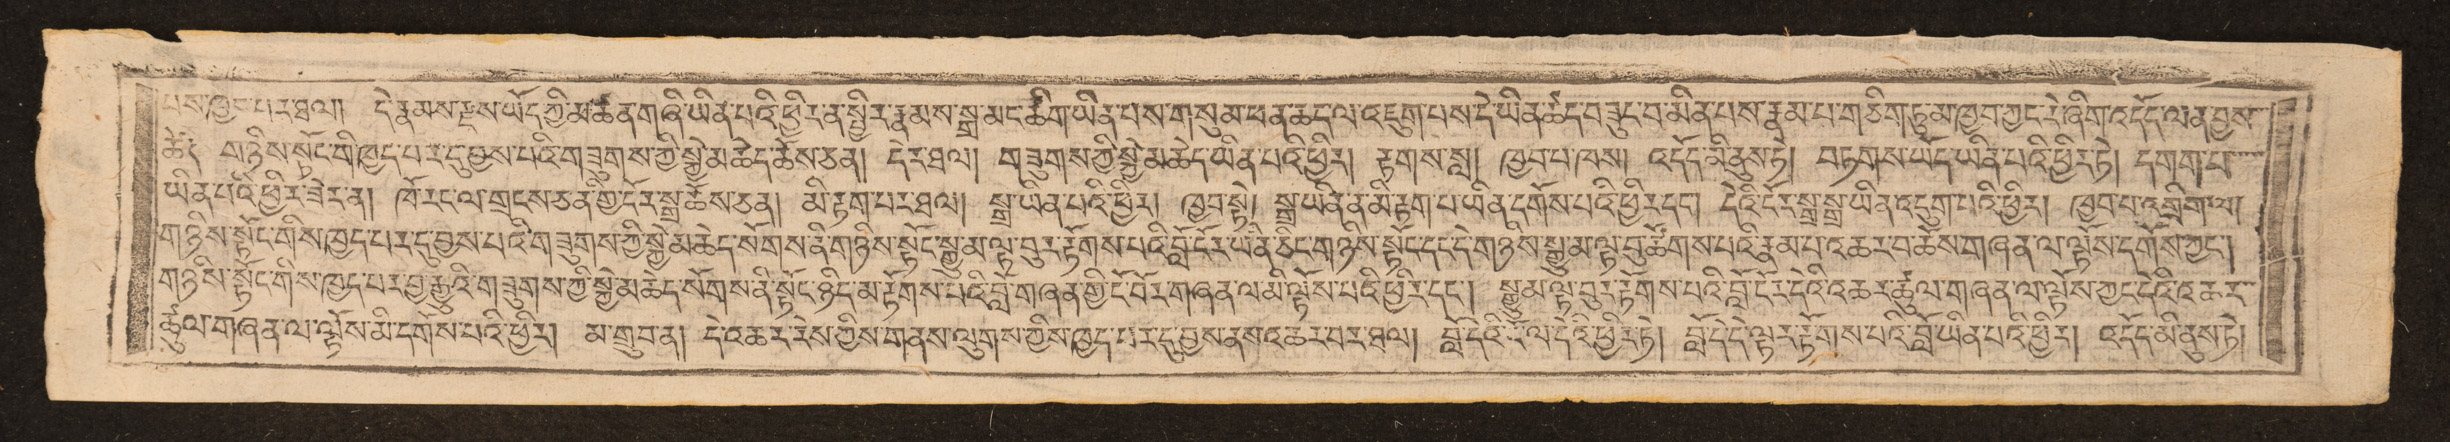པས་ཁྱབ་པར་ཐལ། དེ་རྣམས་རྫས་ཡོད་ཀྱི་མཚན་གཞི་ཡིན་པའི་ཕྱིར་ན་སྤྱིར་རྣམས་སྒྲ་མང་ཚིག་ཡིན་པས་གསུམ་ཕན་ཆད་ལ་འཇུག་པས་དེ་ཡིན་ཚད་བཟུང་བ་མིན་པས་རྣམ་པ་གཅིག་ཏུ་མ་ཁྱབ་ཀྱང་རེ་ཞིག་འདོད་ལན་བྱས་
ཚེ༑ གཉིས་སྟོང་གི་ཁྱད་པར་དུ་བྱས་པའི་གཟུགས་ཀྱི་སྐྱེ་མཆེད་ཆོས་ཅན། དེར་ཐལ། གཟུགས་ཀྱི་སྐྱེ་མཆེད་ཡིན་པའི་ཕྱིར། རྟགས་སླ། ཁྱབ་པ་ཁས། འདོད་མི་ནུས་ཏེ། བཏགས་ཡོད་ཡིན་པའི་ཕྱིར་ཏེ། དགག་པ་
ཡིན་པའི་ཕྱིར་ཟེར་ན། ཁོ་རང་ལ་གྲངས་ཅན་གྱི་ངོར་སྒྲ་ཆོས་ཅན། མི་རྟག་པར་ཐལ། སྒྲ་ཡིན་པའི་ཕྱིར། ཁྱབ་སྟེ། སྒྲ་ཡིན་ན་མི་རྟག་པ་ཡིན་དགོས་པའི་ཕྱིར་དང་། དེའི་ངོར་སྒྲ་སྒྲ་ཡིན་འདུག་པའི་ཕྱིར། ཁྱབ་པ་འགྲིག་ལ།
གཉིས་སྟོང་གིས་ཁྱབ་པར་དུ་བྱས་པའི་གཟུགས་ཀྱི་སྐྱེ་མཆེད་སོགས་ནི་གཉིས་སྟོང་སྒྱུ་མ་ལྟ་བུར་རྟོགས་པའི་བློ་ངོར་ཡིན་ཅིང་གཉིས་སྟོང་དང་དེ་གཉིས་སྒྱུ་མ་ལྟ་བུ་ཚོགས་པའི་རྣམ་པ་འཆར་བ་ཆོས་གཞན་ལ་ལྟོས་དགོས་ཀྱང་།
གཉིས་སྟོང་གིས་ཁྱད་པར་བྱ་རྒྱུའི་གཟུགས་ཀྱི་སྐྱེ་མཆེད་སོགས་ནི་སྟོང་ཉིད་མ་རྟོགས་པའི་བློ་གཞན་གྱི་ངོ་བོར་གཞན་ལ་མི་ལྟོས་པའི་ཕྱིར་དང་། སྒྱུ་མ་ལྟ་བུར་རྟོགས་པའི་བློ་ངོར་དེའི་འཆར་ཚུལ་གཞན་ལ་ལྟོས་ཀྱང་དེའི་འཆར་
ཚུལ་གཞན་ལ་ལྟོས་མི་དགོས་པའི་ཕྱིར། མ་གྲུབ་ན། དེ་འཆར་རེས་ཀྱིས་གནས་ལུགས་ཀྱིས་ཁྱད་པར་དུ་བྱས་ནས་འཆར་བར་ཐལ། བློ་དེའི་རོལ་དེའི་ཕྱིར་ཏེ། བློ་དེ་དེ་ལྟར་རྟོགས་པའི་བློ་ཡིན་པའི་ཕྱིར། འདོད་མི་ནུས་ཏེ།